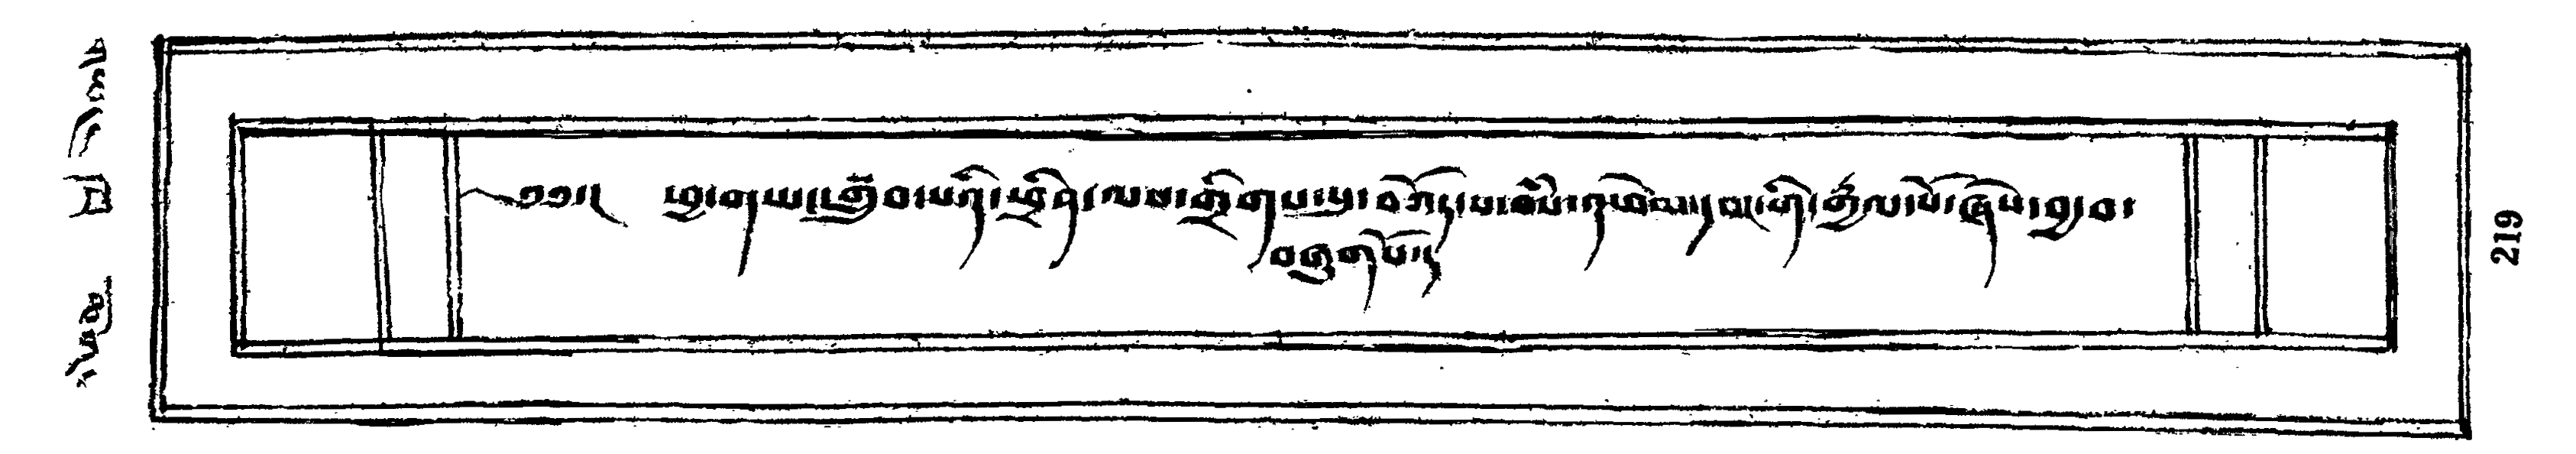༄༅། །ཕྱ་གཡང་འགུགས་པའྀ་ཕྲིན་ལས་སྒྲིགས་སུ་བཀོད་པ་བསམ་འཕེལ་དབང་གི་རྒྱལ་པོ་ཞེས་བྱ་བ་
 བཞུགས་སོ།།